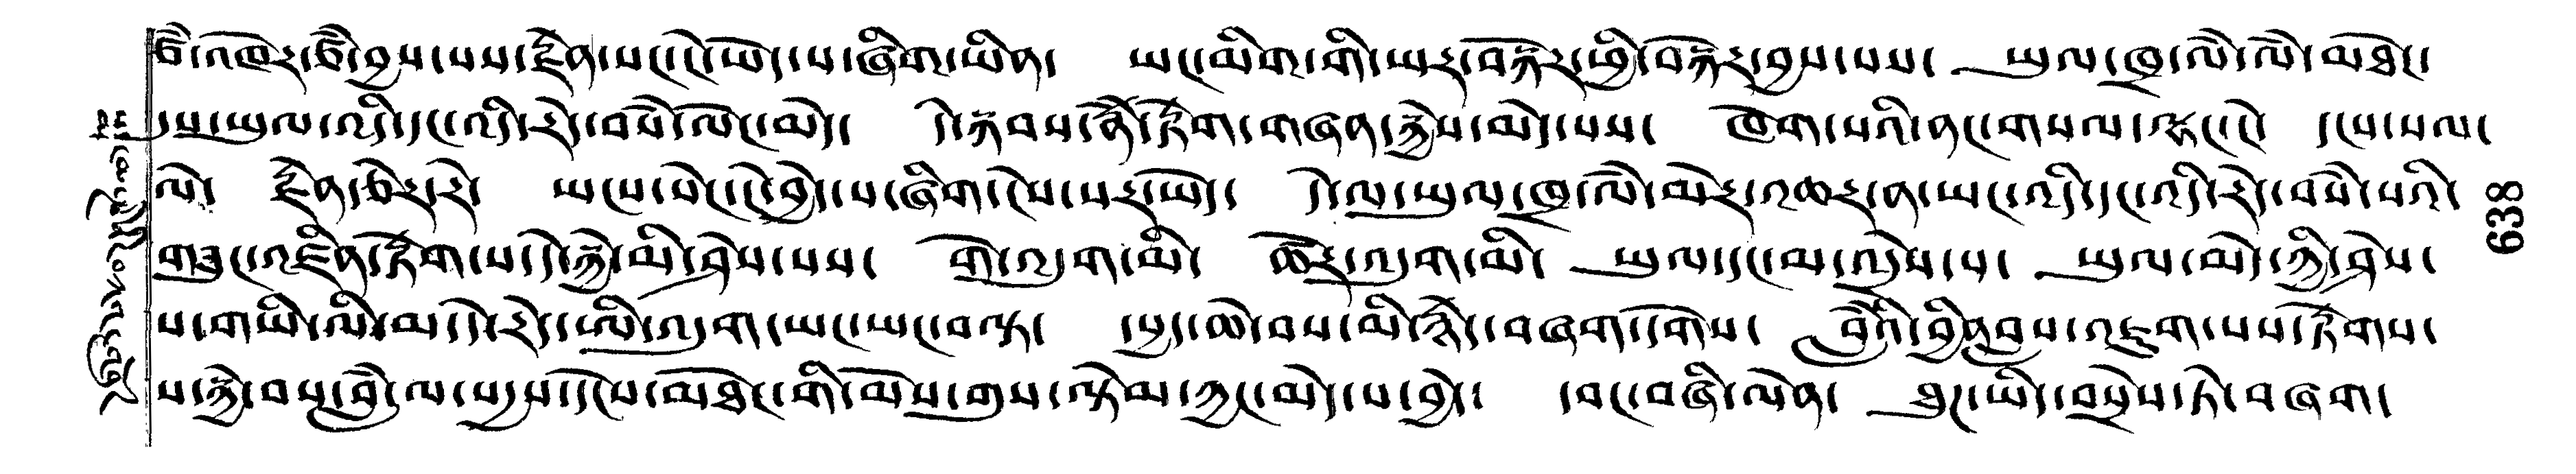ཙམ་འཁོར་ཙམ་བྱས་པས་རྗེན་སང་ངེ་ཡོད་པ་ཞིག་ཡིན། ཡང་མིག་གི་ཡར་བསྐོར་ཕྱི་བསྐོར་བྱས་པས། ཡུལ་ཁྲ་ལམ་ལམ་མཐོང་
དུས་ཡུལ་འདི་དང་འདི་རེད་བསམ་ལོང་མེད། དེ་སྐབས་རྣམ་རྟོག་གཞན་སྐྱེས་མེད་པས། ཁོག་པའི་ནང་གསལ་ལྷང་ངེ་། དྭངས་སལ་
ལེ།རྗེན་ཅེར་རེ། ཡངས་སེང་ངེ་བྱེད་པ་ཞིག་ངེས་པར་ཡོད། དེ་ལ་ཡུལ་ཁྲ་ལམ་མེར་འཆར་ན་ཡང་འདི་དང་འདི་རེད་བསམ་པའི་
གཟུང་འཛིན་རྟོག་པ་དེ་སྐྱེ་མི་ཤེས་པས། གོ་འདུག་མི། ཚོར་འདུག་མི། ཡུལ་དང་མ་འདྲེས་པ། ཡུལ་མེད་ཀྱི་ཤེས་
པ་གཡི་ལི་མ་དེ་རེད་ཨི་འདུག་ཡང་ཡང་བལྟ། དཔྱད་ཆེ་བས་མི་རྙེད་བཞག་དགོས། བླ་མའི་བྱིན་རླབས་འཇུག་པས་རྟོགས་
པ་སྐྱེ་བས་བླ་མ་ལ་སངས་རྒྱས་དངོས་མཐོང་གི་མོས་གུས་ལྟེམ་ཀྱང་མེད་པ་བྱ། དབང་བཞི་ལེན། ཐུགས་ཡིད་བསྲེས་ཏེ་བཞག